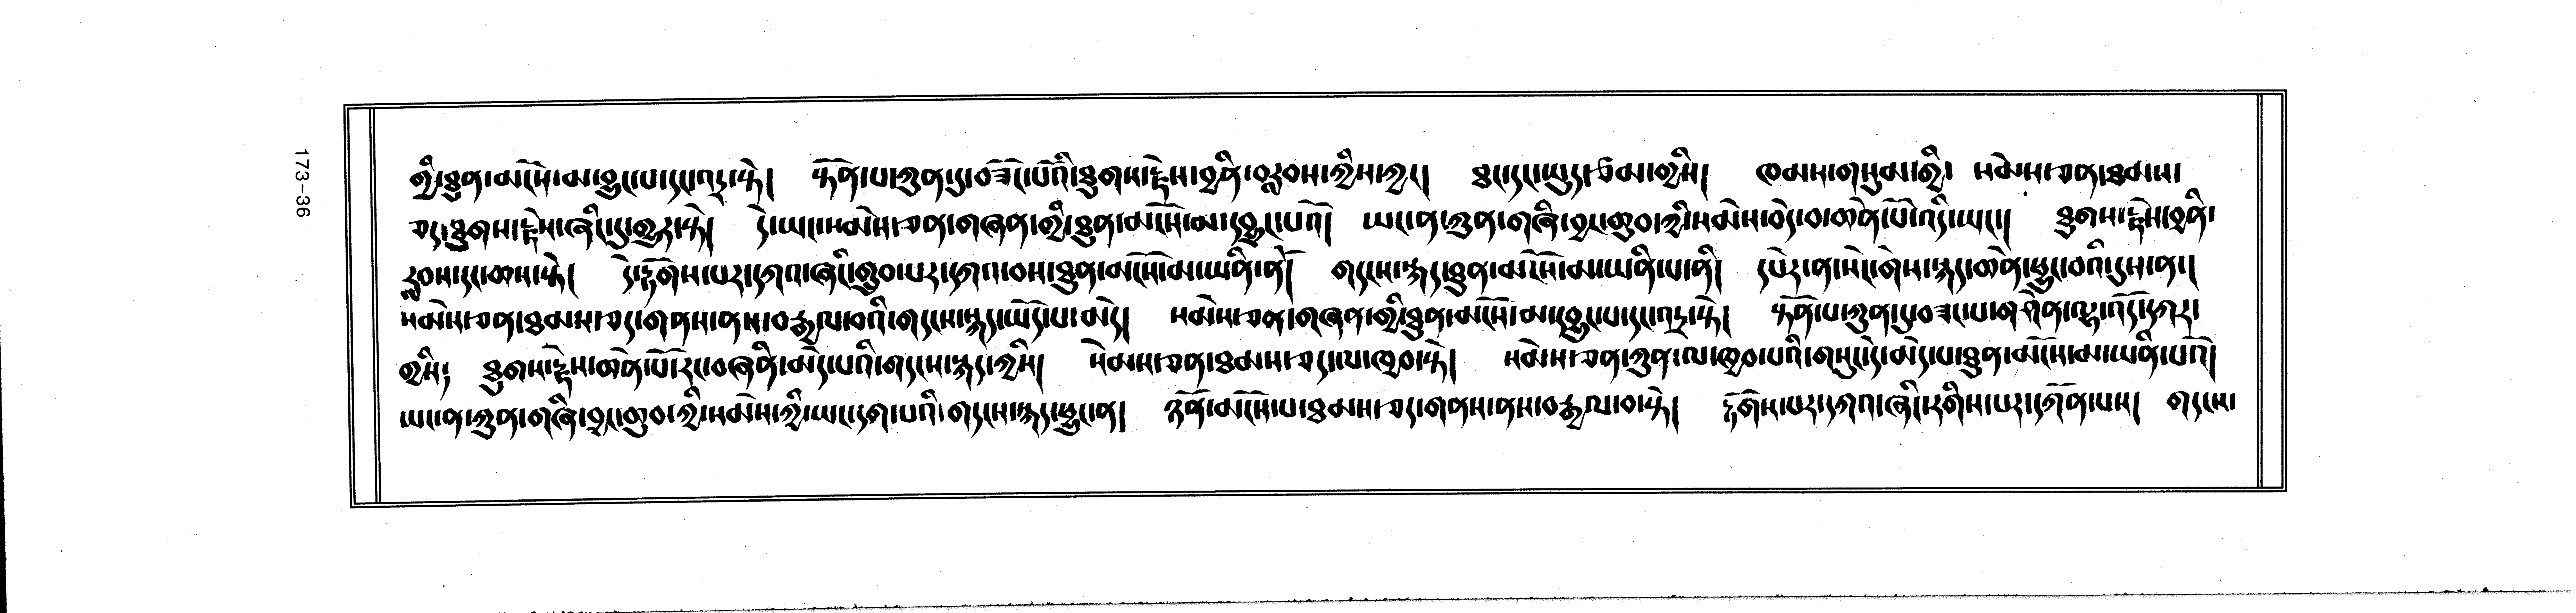གྱི་ཐུན་མོང་མ་བྱུང་བ་དང་འདྲ་སྟེ། སྟོན་པ་ཀུན་ཏུ་བཟང་པོའི་ཐུགས་རྗེས་བྱིན་རླབས་ཀྱིས་ཀྱང་། ཐང་དང་ཡུད་ཙམ་གྱིས་ཁམས་གསུམ་གྱི། སེམས་ཅན་ཐམས་
ཅད་ཐུགས་རྗེའི་ཞིང་དུ་གྱུར་ཏེ། དེ་ཡང་སེམས་ཅན་གཞན་གྱི་ཐུན་མོང་མ་བྱུང་བའོ། །ཡང་ན་ཀུན་གཞི་བྱང་ཆུབ་ཀྱི་སེམས་བདེ་བ་ཆེན་པོ་འདི་ཡང་། ཐུགས་རྗེ་བྱིན་
རླབས་དང་ཆས་ཏེ་དེ་རྟོགས་པར་དཀའ་ཞིང་གྲུབ་པར་དཀའ་བས་ཐུན་མོང་མ་ཡིན་ནོ། །གདངས་སྐད་ཐུན་མོང་མ་ཡིན་པ་ནི། དཔེར་ན་སེང་གེས་སྐད་ཆེན་ཕྱུང་བའི་དུས་ན། 
སེམས་ཅན་ཐམས་ཅད་གནས་ནས་བརྒྱལ་བའི་གདངས་སྐད་ཡོད་པ་དེ། སེམས་ཅན་གཞན་གྱི་ཐུན་མོང་མ་བྱུང་བ་དང་འདྲ་སྟེ། སྟོན་པ་ཀུན་ཏུ་བཟང་པོ་གཤེན་ལྷ་འོད་དཀར་
གྱིས། ཐུགས་རྗེ་ཆེན་པོ་རང་བཞིན་མེད་པའི་གདངས་སྐད་ཀྱིས། སེམས་ཅན་ཐམས་ཅད་ལ་ཁྱབ་སྟེ། སེམས་ཅན་ཀུན་ལ་ཁྱབ་པའི་གསུང་དེ་མེད་པ་ཐུན་མོང་མ་ཡིན་པའོ། །
ཡང་ན་ཀུན་གཞི་བྱང་ཆུབ་ཀྱི་སེམས་ཀྱི་ཡང་དག་པའི་གདངས་སྐད་ཕྱུང་ན། ཉོན་མོངས་པ་ཐམས་ཅད་གནས་ནས་བརྒྱལ་བ་སྟེ། རྟོགས་པར་དཀའ་ཞིང་རིག་པར་དཀོན་པས། གདངས་